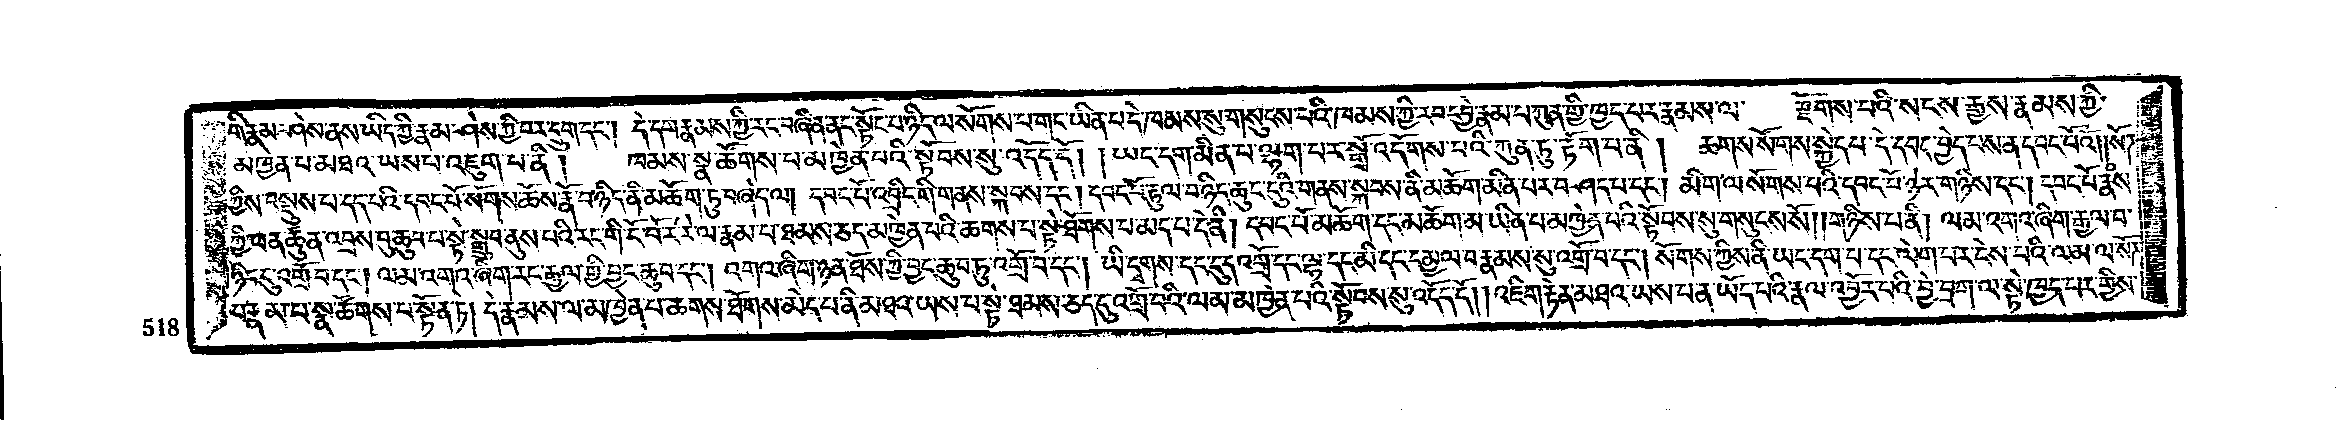གི་རྣམ་ཤེས་ནས་ཡིད་ཀྱི་རྣམ་ཤེས་ཀྱི་བར་དྲུག་དང་། དེ་དག་རྣམས་ཀྱི་རང་བཞིན་ནང་སྟོང་པ་ཉིད་ལ་སོགས་པ་གང་ཡིན་པ་དེ་ཁམས་སུ་གསུངས་པའི་ཁམས་ཀྱི་རབ་དབྱེ་རྣམ་པ་ཀུན་གྱི་ཁྱད་པར་རྣམས་ལ་རྫོགས་པའི་སངས་རྒྱས་རྣམས་ཀྱི་
མཁྱེན་པ་མཐའ་ཡས་པ་འདུག་པ་ནི། ཁམས་སྣ་ཚོགས་པ་མཁྱེན་པའི་སྟོབས་སུ་འདོད་དོ། །ཡང་དག་མིན་པ་ལྷག་པར་སྒྲོ་འདོགས་པའི་ཀུན་ཏུ་རྟོག་པ་ནི། ཆགས་སོགས་སྐྱེད་པ་དེ་དབང་བྱེད་པས་ན་དབང་པོའོ། །སོགས་
ཀྱིས་བསྡུས་པ་དད་པའི་དབང་པོ་སོགས་ཆོས་རྣོ་བ་ཉིད་ནི་མཆོག་ཏུ་བཞེད་ལ། དབང་པོ་འབྲིང་གི་གནས་སྐབས་དང་། དབང་པོ་རྟུལ་བ་ཉིད་ཆུང་ངུའི་གནས་སྐབས་ནི་མཆོག་མིན་པར་བཤད་པ་དང་། མིག་ལ་སོགས་པའི་དབང་པོ་ཉེར་གཉིས་དང་། དབང་པོ་རྣམས་
ཀྱི་ཕན་ཚུན་འབྲས་བུ་ཆུབ་པ་སྟེ་སྒྲུབ་ནུས་པའི་རང་གི་ངོ་བོ་རེ་རེ་ལ་རྣམ་པ་ཐམས་ཅད་མཁྱེན་པའི་ཆགས་པ་སྟེ་ཐོགས་པ་མེད་པ་དེ་ནི། དབང་པོ་མཆོག་དང་མཆོག་མ་ཡིན་པ་མཁྱེན་པའི་སྟོབས་སུ་གསུངས་སོ། །གཉིས་པ་ནི། ལམ་འགའ་ཞིག་རྒྱལ་བ་
ཉིད་དུ་འགྲོ་བ་དང་། ལམ་འགའ་ཞིག་རང་རྒྱལ་གྱི་བྱང་ཆུབ་དང་། འགའ་ཞིག་ཉན་ཐོས་ཀྱི་བྱང་ཆུབ་ཏུ་འགྲོ་བ་དང་། ཡི་དྭགས་དང་དུད་འགྲོ་དང་ལྷ་དང་མི་དང་དམྱལ་བ་རྣམས་སུ་འགྲོ་བ་དང་། སོགས་ཀྱིས་ནི་ཡང་དག་པ་དང་ལོག་པར་ངེས་པའི་ལམ་ལ་སོགས་
པ་རྣམ་པ་སྣ་ཚོགས་པ་སྟོན་ཏ། དེ་རྣམས་ལ་མཁྱེན་པ་ཆགས་ཐོགས་མེད་པ་ནི་མཐའ་ཡས་པ་སྟེ་ཐམས་ཅད་དུ་འགྲོ་བའི་ལམ་མཁྱེན་པའི་སྟོབས་སུ་འདོད་དོ། །འཇིག་རྟེན་མཐའ་ཡས་པ་ན་ཡོད་པའི་རྣལ་འབྱོར་པའི་བྱེ་བྲག་ལ་སྟེ་ཁྱད་པར་གྱིས་